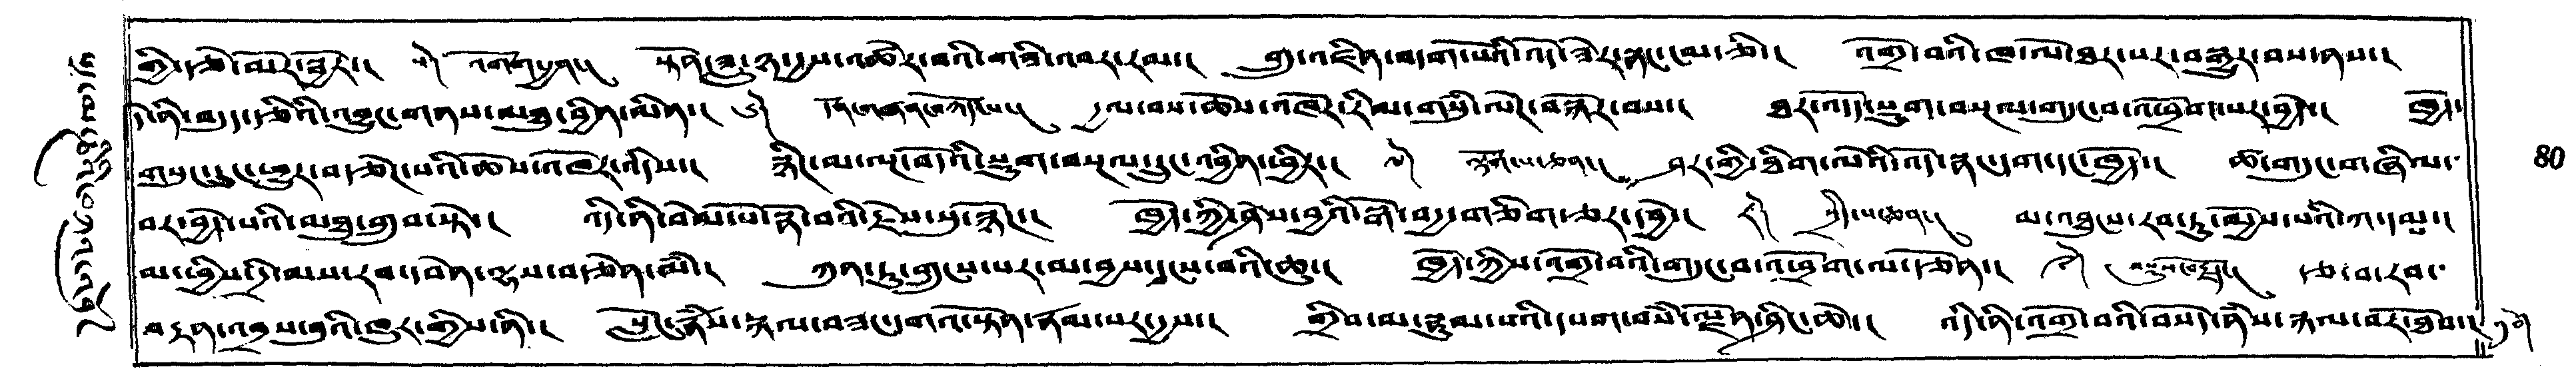གྱི་རྩེ་མོར་སྦྱོར། ། ༥༽ འགོག་རྒྱན། སྟོན་ཟླ་ཉ་རྒྱས་འཚེར་བའི་གཟི་འབར་རམ། །གྲུ་འཛིན་བདག་པོའི་འོད་ཟེར་སྣང་ངམ་ཅི། །འགྲོ་བའི་ཁ་ལོ་ཐར་པར་བསྒྱུར་བས་ནས། །
དེ་ནི་བདུད་རྩིའི་འབྱུང་གནས་མཐུ་བྱིན་མིན། ། ༦༽ དོན་གཞན་བཀོད་པ། རྒྱལ་བས་ཆོས་འཁོར་རིམ་གསུམ་ལེགས་བསྐོར་བས། །ཐར་འདོད་སྡུག་བསྔལ་གདུང་བ་འཕྲོག་པར་བྱེད། །ཁྱོད་
གསུང་དུང་ཕྱུར་བརྩེགས་པའི་ཆོས་འཁོར་འདིས། །སྙིགས་མ་ལྔ་བདོའི་སྡུག་བསྔལ་དྲུང་འབྱིན་ཕྱིར། ༧༽། ལྡོག་པ་ཅན། ཤར་གྱི་ཐིག་ལེའི་འོད་སྣང་དག་དང་ཁྱོད། །ཚ་གདུང་གཞིལ་
བར་བྱེད་པའི་མཐུ་གྲུབ་སྟེ། །འདི་ནི་བེམ་པོ་སྣང་བའི་རྗེས་སུ་སྙེགས། །ཁྱོད་ཀྱི་ཤེས་བྱའི་སྒོ་བརྒྱ་གཅིག་ཅར་དབྱེ། །༨༽ སྲིད་པ་ཅན། མ་འཐུངས་རབ་ཏུ་མྱོས་པའི་ཀ་དམ་པ། །
མ་ཕྱིས་དྲི་མས་རབ་དབེན་ལྷས་བརྩོན་ལམ། །ཀུན་ཏུ་གྲུངས་པར་མ་བྱས་དྭངས་པའི་ཆུ། །ཁྱོད་ཀྱིས་འགྲོ་བའི་གདུང་བ་འཕྲོག་ལ་བརྩོན། ། ༩༽ བསྡུས་བརྗོད། རྩ་བ་རབ་
བརྟན་འབྲས་བུའི་ཁུར་གྱིས་ནི། །སློང་རྣམས་སྐལ་བཟང་དགའ་སྟོན་རྣམ་པར་རྒྱས། །གྲིབ་མ་སྣུམ་པའི་དཔག་བསམ་ལྗོན་ཤིང་ཆེ། །འདི་ནི་འགྲོ་བའི་བསོད་ནམས་སྐལ་བར་ཐོབ། །